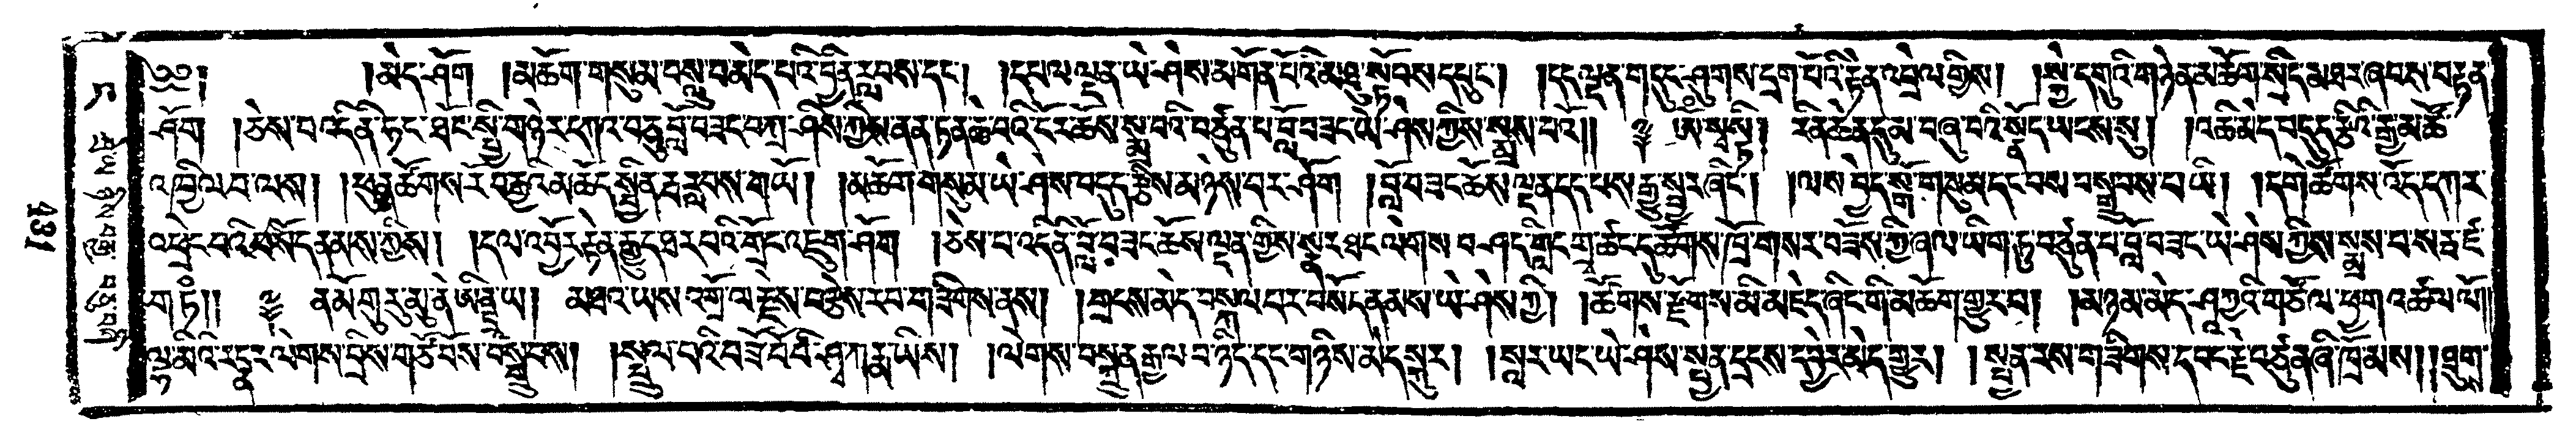༄༅། །མེད་ཤོག །མཆོག་གསུམ་བསླུ་བ་མེད་པའི་བྱིན་རླབས་དང་། །དཔལ་ལྡན་ཡེ་ཤེས་མགོན་པོའི་མཐུ་སྟོབས་དཔུང་། །དད་ལྡན་གདུང་ཤུགས་དྲག་པོའི་རྟེན་འབྲེལ་གྱིས། །སྐྱེ་དགུའི་གཉེན་མཆོག་སྲིད་མཐར་ཞབས་བརྟན་
ཤོག །ཅེས་བ་འདི་ནི་ཧང་ཐོང་སྤྱི་གཉེར་དཀའ་བཅུ་བློ་བཟང་བཀྲ་ཤིས་ཀྱིས་ནན་ཏན་ཆེ་བའི་ངོར་ཆོས་སྨྲ་བའི་བཙུན་པ་བློ་བཟང་ཡེ་ཤེས་ཀྱིས་སྨྲས་པའོ།། ༈ ཨོཾ་སྭྶྟི། རིན་ཆེན་དུ་མ་བཞུ་བའི་སྣོད་ཡངས་སུ། །འཆི་མེད་བདུད་རྩིའི་རྒྱ་མཚོ་
འཁྱིལ་བ་ལས། །ཕུན་ཚོགས་རོ་བརྒྱའི་མཆོད་སྦྱིན་རྦ་རླབས་གཡོ། །མཆོག་གསུམ་ཡེ་ཤེས་བདུད་རྩིས་མཉེས་བར་ཤོག །བློ་བཟང་ཆོས་ལྡན་དང་པས་རྒྱུ་སྦྱར་ཞིང་། །ལས་བྱེད་སྒོ་གསུམ་དང་བས་བསྒྲུབས་པ་ཡི། །དགེ་ཚོགས་འོད་དཀར་
འཕྲེང་བའི་བསོད་ནམས་ཀྱིས། །དལ་འབྱོར་རྟེན་རྒྱུད་ཐར་བའི་གྲོང་འཇུག་ཤོག །ཅེས་པ་འདི་ནི་བློ་བཟང་ཆོས་ལྡན་གྱིས་སྣར་ཐང་ལེགས་བཤད་གླིང་གྲྭ་ཚང་དུ་ཚོགས་ཁྲོ་གསར་བཟོས་ཀྱི་ཞལ་ཡིག་ཏུ་བཙུན་པ་བློ་བཟང་ཡེ་ཤེས་ཀྱིས་སྨྲས་བ་སརྦ་ཛ་
ག་ཏཾ།། ༈ ན་མོ་གུ་རུ་མུ་ནེ་ཨིནྡྲཱ་ཡ། མཐའ་ཡས་འགྲོ་ལ་རྗེས་བརྩེས་རབ་གཟིགས་ནས། །གྲངས་མེད་བསྐལ་བར་བསོད་ནམས་ཡེ་ཤེས་ཀྱི། །ཚོགས་རྫོགས་མི་མཇེད་ཞིང་གི་མཆོག་གྱུར་བ། །མཉམ་མེད་ཤཱཀྱའི་གཙོ་ལ་ཕྱག་འཚལ་ལོ།།
ལྷ་མིའི་རང་ནར་ལེགས་བྲིས་གཙོ་བོས་བསྒྲུབས། །སྤྲུལ་བའི་བཟོ་བོ་བི་ཤྭ་ཀརྨ་ཡིས། །ལེགས་བསྐྲུན་རྒྱལ་བ་ཉིད་དང་གཉིས་མེད་སྐུར། །སླར་ཡང་ཡེ་ཤེས་སྤྱན་དྲངས་དབྱེར་མེད་གྱུར། །སྤྱན་རས་གཟིགས་དབང་རྗེ་བཙུན་ཞི་ཁྲོ་མས། །ཐུགས་